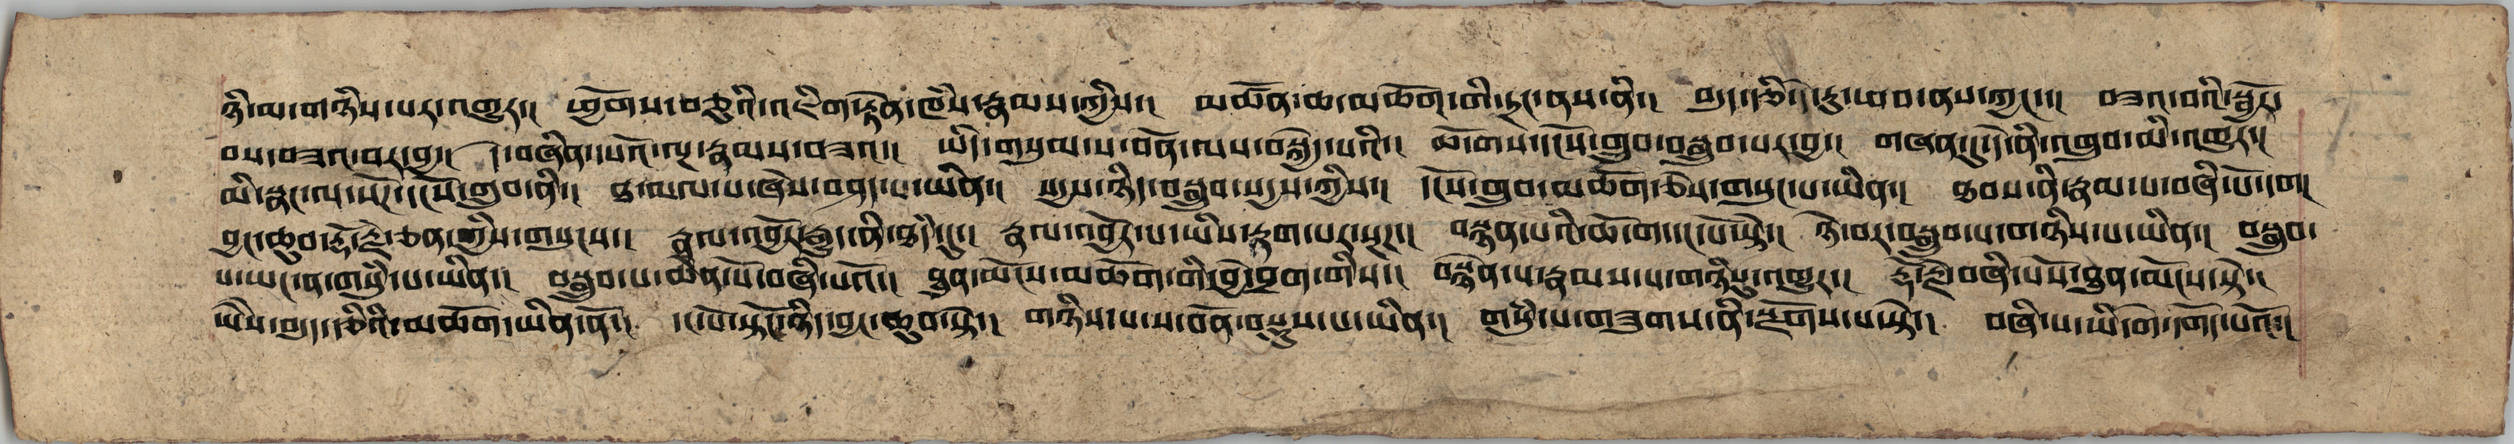ཉི་མ་གཉིས་པར་འགྱུར་། ཕྱོགས་བཅུའི་འཇིག་རྟེན་ཁཾས་རྣམས་ཀྱིས་། མཚོན་ཆ་མཆོག་གི་དྲང་ནས་ནི་། བདུད་རྩི་དེ་རུ་ཕབ་ནས་ཀྱང་་། བཟའ་བའི་སྦྱོར་
བས་བཟའ་བར་བྱ་། དེ་བཞིན་དཔའོ་ལྔ་རྣམས་བཟའ་། ཡིད་གསུམ་ས་བོན་ལས་བསྐྱེད་པའི་། ཆོ་གས་དངོས་གྲུབ་བསྒྲུབ་པར་བྱ་། གཞན་དུ་དེ་ནི་འགྲུབ་མི་འགྱུར་།
མི་སྣང་ལ་སོཌ་དངོས་གྲུབ་ནི་། ཐ་མལ་པ་ཞེས་བཤད་པ་ཡིན་། སདྱས་ཉིད་བསྒྲུབ་སདྱས་ཀྱིས་། དངོས་གྲུབ་མཆོག་ཅེས་གསུང་པ་ཡིན་། ཐབས་ནི་རྣམ་པ་བཞི་པོ་དག།
བྱང་ཆུབ་རྡོ་རྗེ་ཅན་གྱིས་གསུངས་། རྣལ་འབྱོར་རྒྱུད་ནི་ཐཾད་དུ་། རྣལ་འབྱོར་པ་ཡིས་རྟག་པར་སྔཌ་། བསྙན་པའི་ཆོ་ག་དང་པོ་སྟེ་། ཉེ་བར་བསྒྲུབ་པ་གཉིས་པ་ཡིན་། བསྒྲུབ་
པ་ཡང་ན་གསུཾ་པ་ཡིན་། བསྒྲུབ་པ་ཆེན་པོ་བཞི་པའོ་། ཐུན་མོངས་མཆོག་གི་བྱེ་བྲག་གིས་། བསྙེན་པ་རྣམས་པ་གཉིསུ་འགྱུར་། རྡོ་རྗེ་བཞི་པོས་ཐུན་མོངས་སྟེ་།
ཡཻས་བདུད་རྩིའི་མཆོག་ཡིན་ནོ་། དང་པོ་སྟོང་ཉིད་བྱང་ཆུབ་སྟེ་། གཉིས་པ་ས་བོན་བསྡུས་པ་ཡིན་། གསུཾ་པ་གཟུགས་ནི་སྫོགས་པ་སྟེ་། བཞི་པ་ཡི་གེ་དགོད་པའོ་།